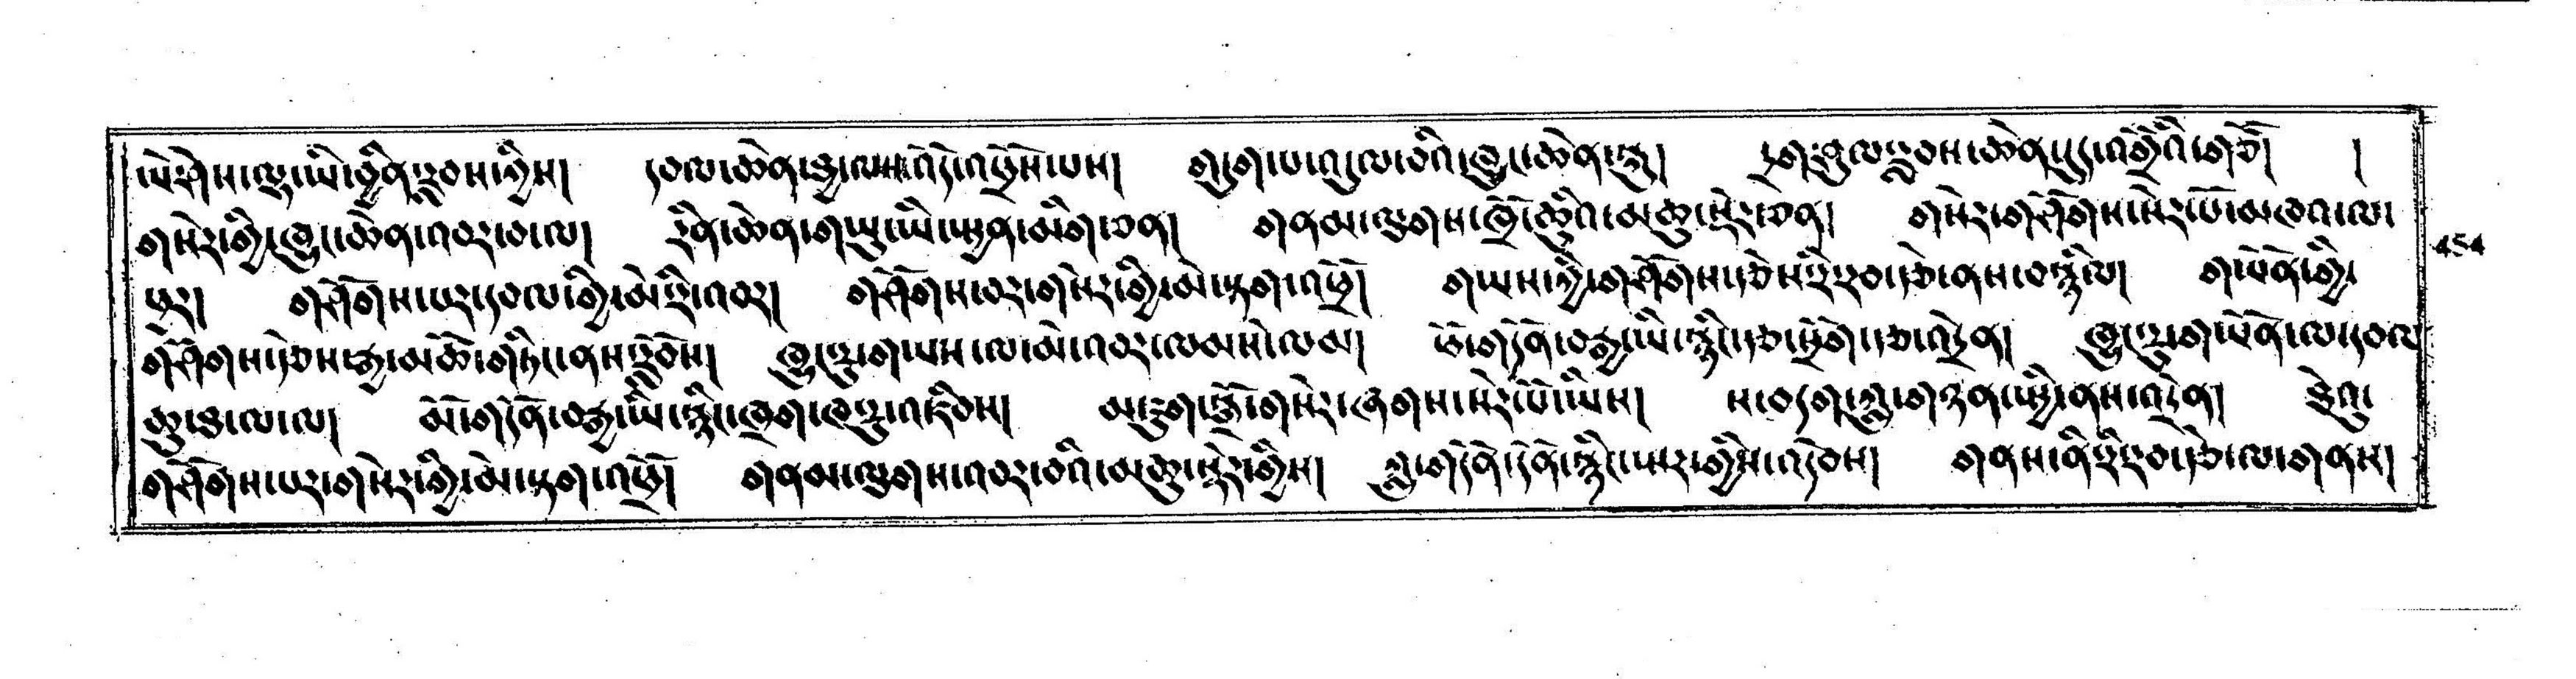ཡེ་ཤེས་ལྷ་ཡི་བྱིན་རླབས་ཀྱིས། དབལ་ཆེན་ཐུགས་ལས་འོད་འཕྲོས་པས། གདུག་{467}པ་འདུལ་བའི་ཁྱུང་ཆེན་སྐུ། དྲག་ཤུལ་རླབས་ཆེན་དུད་འགྲོའི་གཙོ། 
གསེར་གྱི་ཁྱུང་ཆེན་འབར་བ་ལ། རིན་ཆེན་གཡུ་ཡི་སྤྱན་མིག་ཅན། གནམ་ལྕགས་ཁྲོ་ཆུའི་མཆུ་སྡེར་ཅན། གསེར་གཤོགས་སེར་པོ་མཁའ་ལ་
ཕྱར། གཤོགས་པར་དབལ་གྱི་མེ་རི་འབར། གཤོགས་བར་གསེར་གྱི་མེ་སྟག་འཕྲོ། གཡས་ཀྱི་གཤོགས་རྩེས་རི་རབ་རྩེ་ནས་བསྙིལ། གཡོན་གྱི་
གཤོགས་རྩེས་རྒྱ་མཚོ་གཏིང་ནས་རློབས། ཁྱུང་རུ་གཡས་ལ་མེ་འབར་ལམས་སེ་ལམ། ཕོ་གདོན་བརྒྱ་ཡི་སྙིང་རྩ་སྲོག་རྩ་འདྲེན། ཁྱུང་རུ་གཡོན་ལ་དབལ་
ཆུ་ཐ་ལ་ལ། མོ་གདོན་བརྒྱ་ཡི་སྙིང་ཁྲག་ཁ་རུ་འཇིབས། མཇུག་སྒྲོ་གསེར་ཞགས་སེར་པོ་ཡིས། ས་བདག་ཀླུ་གཉན་སྤྱི་ནས་འདྲེན། ཐེའུ་
གཤོགས་པར་གསེར་གྱི་མེ་སྟག་འཕྲོ། གནམ་ལྕགས་འབར་བའི་མཆུ་སྡེར་གྱིས། ཀླུ་གདོན་དོན་སྙིང་སྤར་གྱིས་འདེབས། གནས་ནི་རི་རབ་རྩེ་ལ་གནས།